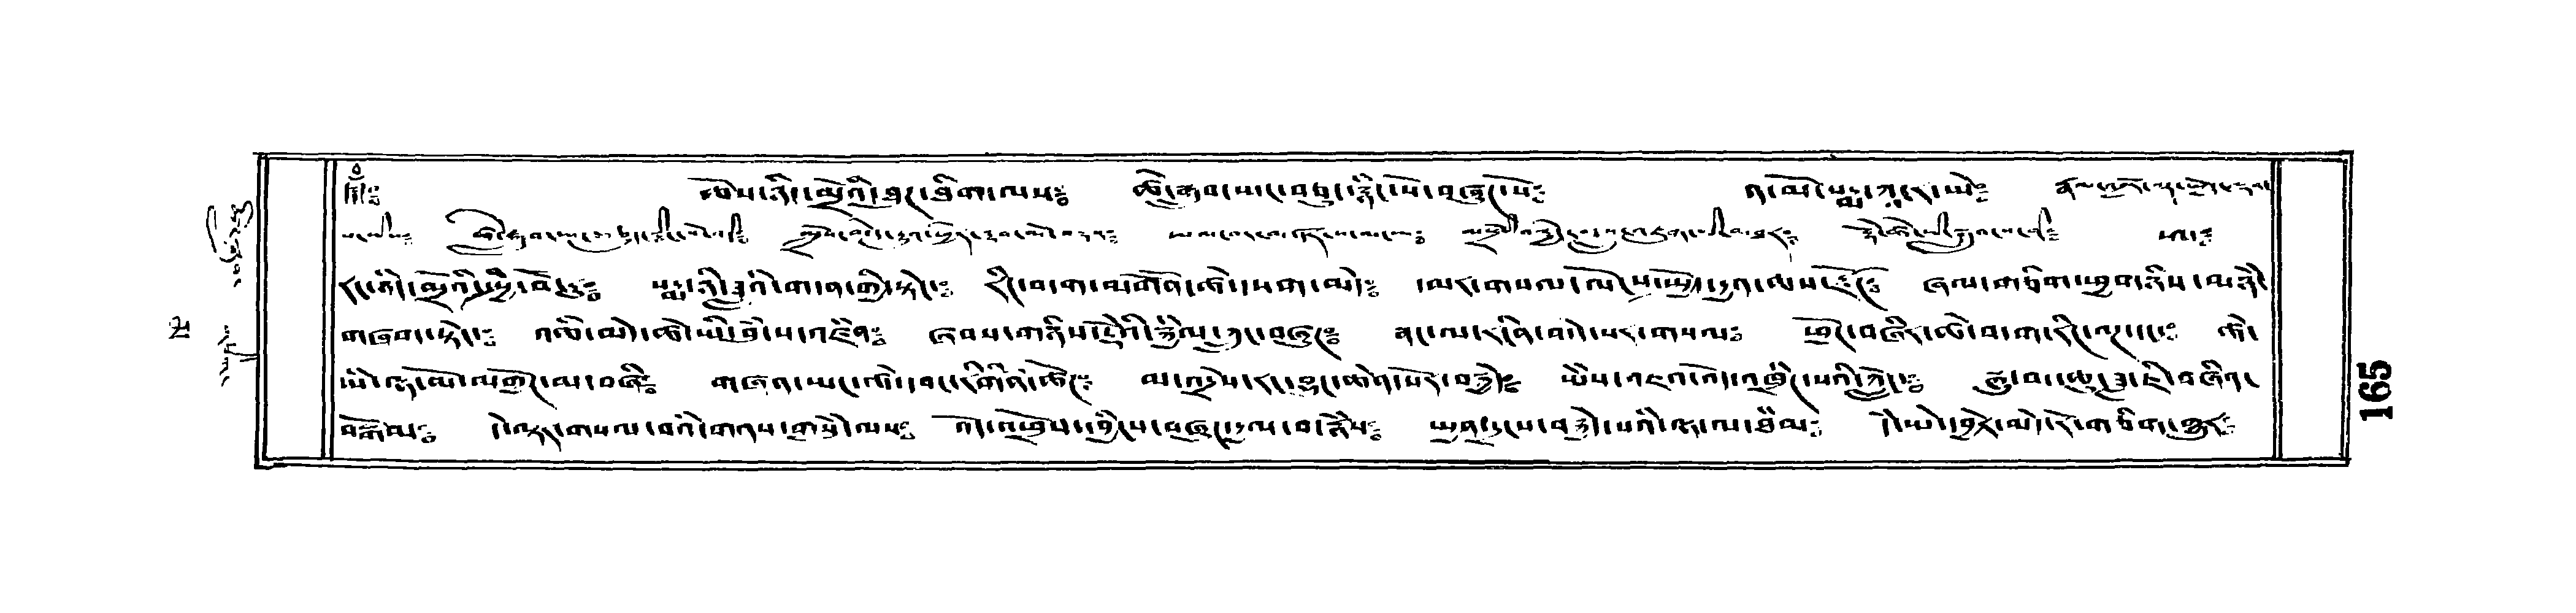ཆོས་ཉིད་མཁའ་འགྲོའི་ཐུགས་ཐིག་ལས༔ ཚེ་སྒྲུབ་ཡང་བཅུད་སྙིང་པོ་བཞུགས་སོ༔ ན་མོ་པདྨ་ཀཱ་ར་ཡེ༔ རྣལ་འབྱོར་ལྟར་སྤྱོད་ལྡན་
པ་ཡིས༔ ཚེ་སྒྲུབ་ཡང་བཅུ་སྙིང་པོ་བཞུགས་སོ༔ སྤྲོས་མེད་རྒྱུན་ཁྱིར་ཟབ་མོ་བསྟན༔ ཡལ་བར་མ་དོར་ས་མ་ཡ༔ མཁའ་འགྲོའི་བསྐྱེད་བཟླས་འཇུག་པའི་མཐར༔ རྡོ་རྗེ་ཚེ་ཡི་སྒྲུབ་པ་ནི༔ ཨཱཿ 
རང་ཉིད་མཁའ་འགྲོའི་སྤྱི་བོ་རུ༔ པདྨ་ཉི་ཟླའི་གདན་གྱི་སྟེང༔ རིགས་བདག་མགོན་པོ་ཚེ་དཔག་མེད༔ དམར་གསལ་ལོངས་སྤྱོད་རྒྱན་ཆས་རྫོགས༔ ཞལ་གཅིག་ཕྱག་གཉིས་མཉམ་
གཞག་སྟེང༔ འཆི་མེད་ཚེ་ཡི་བུམ་པ་འཛིན༔ ཞབས་གཉིས་རྡོ་རྗེའི་སྐྱིལ་ཀྲུང་བཞུགས༔ སྣང་ལ་རང་བཞིན་མེད་པར་གསལ༔ ཕྱོགས་བཞིར་ཚེ་བདག་རིགས་ལྔ་དང༔ ཚེ་
ཡི་ལྷ་མོ་མགྱོགས་མ་བཞི༔ གཞན་ཡང་ཚེ་དབང་རིག་འཛིན་ཚོགས༔ མ་འདྲེས་རང་བྱུང་ཆེན་པོར་བསྐྱེད༔ ཡེ་ཤེས་འཇའ་འོད་འཁྲིགས་པའི་ཀློང༔ སྒྱུ་མ་ཆུ་ཟླ་ཇི་བཞིན་
བསྒོམ༔ དེ་ལྟར་གསལ་བའི་གནས་གསུམ་ལས༔ འོད་འཕྲོས་དབྱིངས་བཞུགས་རྒྱལ་བ་རྣམས༔ སྤྱན་དྲངས་བསྐྱེད་པའི་ལྷ་ལ་ཐིམ༔ དམ་ཡེ་དབྱེར་མེད་རོ་གཅིག་གྱུར༔